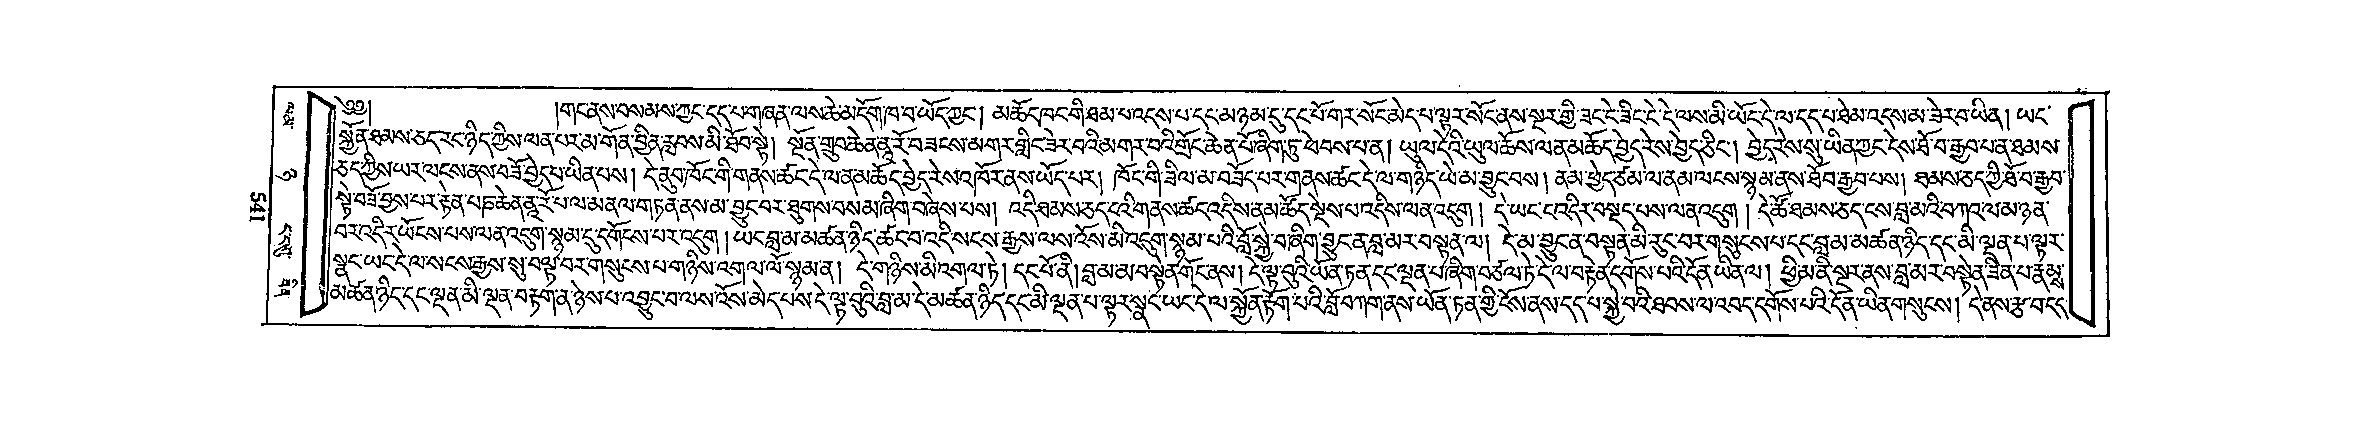༄༅། །གང་ནས་བསམས་ཀྱང་དད་པ་གཞན་ལས་ཆེ་མདོག་ཁ་བ་ཡོད་ཀྱང་། མཆོད་ཁང་གི་ཐམ་པ་འདས་པ་དང་མཉམ་དུ་དང་པོ་གར་སོང་མེད་པ་ལྟར་སོང་ནས་སྔར་གྱི་ཟང་ངེ་ཟིང་ངེ་དེ་ལས་མི་ཡོང་དེ་ལ་དད་པ་ཐེམ་འདས་མ་ཟེར་བ་ཡིན། ཡང་
སྐྱོན་ཐམས་ཅད་རང་ཉིད་ཀྱིས་ལན་པར་མ་གོན་བྱིན་རླབས་མི་ཐོབ་སྟེ། སྔོན་གྲུབ་ཆེན་ནཱ་རོ་བཟངས་མགར་གླིང་ཟེར་བའི་མགར་བའི་གྲོང་ཆེན་པོ་ཞིག་ཏུ་ཕེབས་པ་ན། ཡུལ་དེའི་ཡུལ་ཆོས་ལན་མཆོད་བྱེད་རེས་བྱེད་ཅིང་། བྱེད་རེས་སུ་ཡིན་ཀྱང་དེས་ཐོ་བ་རྒྱབ་པ་ན་ཐམས་
ཅད་ཀྱིས་ཡར་ལངས་ནས་བཟོ་བྱེད་པ་ཡིན་པས། དེ་ནུབ་ཁོང་གི་གནས་ཚང་དེ་ལ་ན་མཆོད་བྱེད་རེས་འཁོར་ནས་ཡོད་པར། ཁོང་གི་ཟིལ་མ་བཟོད་པར་གནས་ཚང་དེ་ལ་གཉིད་ཡེ་མ་བྱུང་བས། ནམ་ཕྱེད་ཙམ་ལ་ནམ་ལངས་སྙམ་ནས་ཐོབ་རྒྱབ་པས། ཐམས་ཅད་ཀྱི་ཐོ་བ་རྒྱབ་
སྟེ་བཟོ་བྱས་པར་རྟེན་པཎ་ཆེན་ནཱ་རོ་པ་ལ་མནལ་གཏན་ནས་མ་བྱུང་བར་ཐུགས་བསམ་ཞིག་བཞེས་པས། འདི་ཐམས་ཅད་ངའི་གནས་ཚང་འདིས་ནམ་ཚོད་སྡེས་པ་འདིས་ལན་འདུག །དེ་ཡང་ང་འདིར་བསྡད་པས་ལན་འདུག །དེ་ཚོ་ཐམས་ཅད་ངས་བླ་མའི་བཀའ་ལ་མ་ཉན་
བར་འདིར་ཡོངས་པས་ལན་འདུག་སྙམ་དུ་དགོངས་པར་འདུག །ཡང་བླ་མ་མཚན་ཉིད་ཚང་བ་འདི་སངས་རྒྱས་ལས་འོས་མི་འདུག་སྙམ་པའི་བློ་སྐྱེ་བ་ཞིག་བྱུང་ན་བླ་མར་བསྟན་ལ། དེ་མ་བྱུང་ན་བསྟན་མི་རུང་བར་གསུངས་པ་དང་བླ་མ་མཚན་ཉིད་དང་མི་ལྡན་པ་ལྟར་
སྣང་ཡང་དེ་ལ་སངས་རྒྱས་སུ་བལྟ་བར་གསུངས་པ་གཉིས་འགལ་ལོ་སྙམ་ན། དེ་གཉིས་མི་འགལ་ཏེ། དང་པོ་ནི། བླ་མ་མ་བསྟེན་གོང་ནས། དེ་ལྟ་བུའི་ཡོན་ཏན་དང་ལྡན་པ་ཞིག་བཙལ་ཏེ་དེ་ལ་བརྟེན་དགོས་པའི་དོན་ཡིན་ལ། ཕྱི་མ་ནི་སྔར་ནས་བླ་མར་བསྟེན་ཟིན་པ་རྣམས་
མཚན་ཉིད་དང་ལྡན་མི་ལྡན་བརྟག་ན་ཉེས་པ་འབྱུང་བ་ལས་འོས་མེད་པས་དེ་ལྟ་བུའི་བླ་མ་དེ་མཚན་ཉིད་དང་མི་ལྡན་པ་ལྟར་སྣང་ཡང་དེ་ལ་སྐྱོན་རྟོག་པའི་བློ་བཀག་ནས་ཡོན་ཏན་གྱི་ངོས་ནས་དད་པ་སྐྱེ་བའི་ཐབས་ལ་འབད་དགོས་པའི་དོན་ཡིན་གསུངས། དེ་ནས་རྩ་བ་དད་